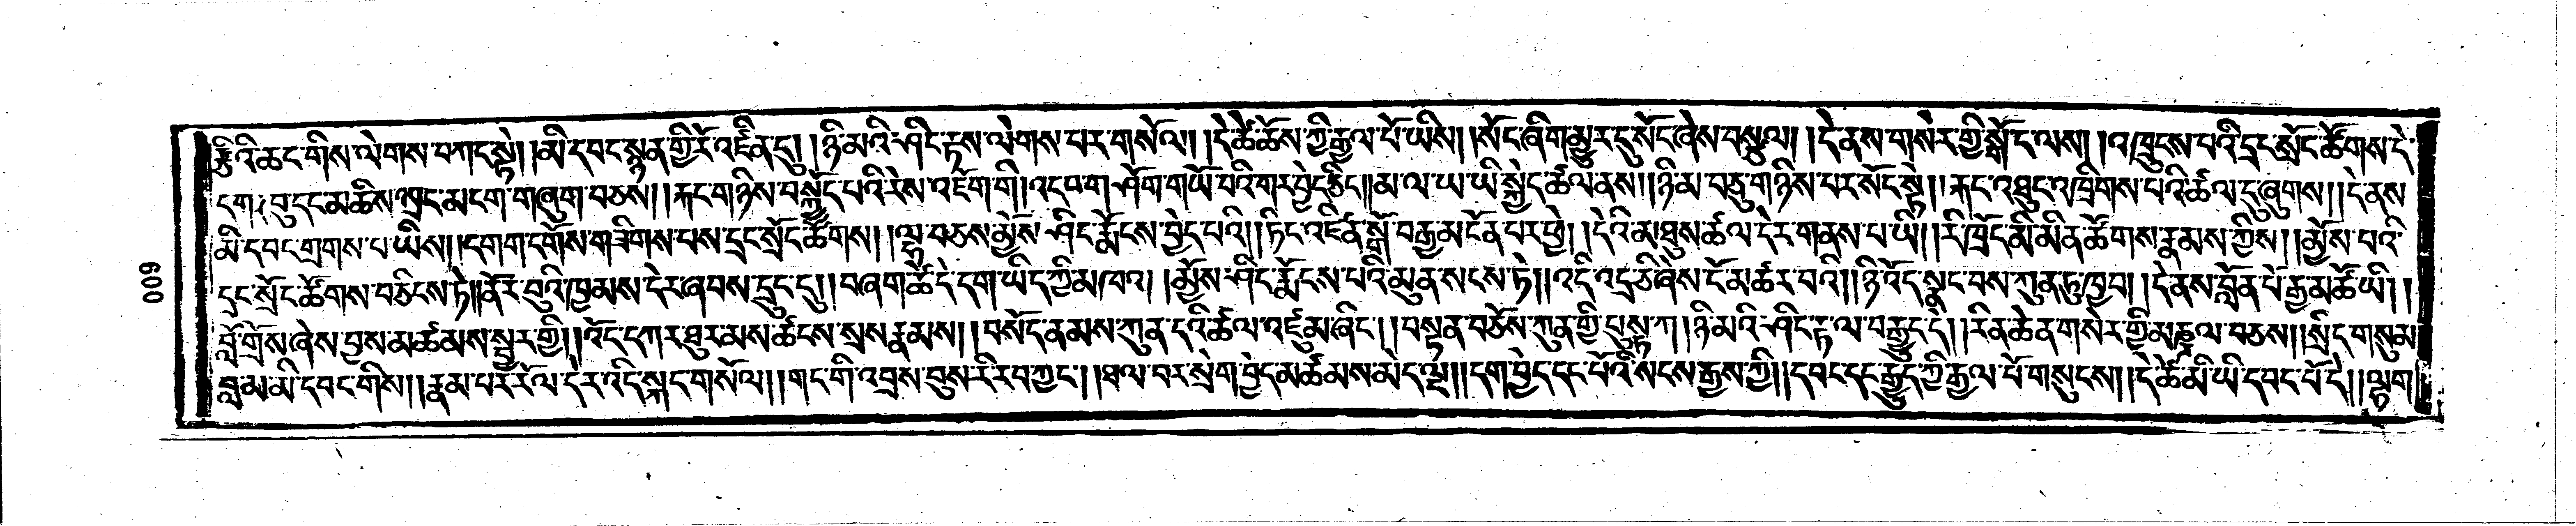རྩིའི་ཆང་གིས་ལེགས་བཀང་སྟེ། །མི་དབང་སྙན་གྱི་རོ་འཛིན་དུ། །ཉི་མའི་ཤིང་རྟས་ལེགས་པར་གསོལ། །དེ་ཚེ་ཆོས་ཀྱི་རྒྱལ་པོ་ཡིས། །སོང་ཞིག་མྱུར་དུ་སོང་ཞེས་བསྩལ། །དེ་ནས་གསེར་གྱི་སྒོ་ང་ལས། །འཁྲུངས་པའི་དྲང་སྲོང་ཚོགས་དེ་
དག །བུ་དང་མཆིས་འབྲང་མངག་གཞུག་བཅས། །རྐང་གཉིས་བསྐྱོད་པའི་རས་འཇག་གི །འདབ་གཤོག་གཡོ་བའི་གར་བྱེད་ཅིང་། མ་ལ་ཡ་ཡི་སྐྱེད་ཚལ་ནས། །ཉི་མ་བཅུ་གཉིས་པར་སོང་སྟེ། །རྐང་འཐུང་འཁྲིགས་པའི་ཚལ་དུ་ཞུགས། །དེ་ནས་
མི་དབང་གྲགས་པ་ཡིས། །དགག་དགོས་གཟིགས་པས་དྲང་སྲོང་ཚོགས། །ལྷ་བཅས་མྱོས་ཤིང་རྨོངས་བྱེད་པའི། །ཏིང་འཛིན་སྒོ་བརྒྱ་མངོན་པར་ཕྱེ། །དེའི་མཐུས་ཚལ་དེར་གནས་པ་ཡི། །རི་ཁྲོད་མི་མིན་ཚོགས་རྣམས་ཀྱིས། །མྱོས་པའི་
དྲང་སྲོང་ཚོགས་བཅིངས་ཏེ། །ནོར་བུའི་ཁྱམས་དེར་ཞབས་དྲུང་དུ། །བཞག་ཚེ་དེ་དག་ཡིད་ཀྱི་མཁའ། །མྱོས་ཤིང་རྨོངས་པའི་མུན་སངས་ཏེ། །འདི་འདྲ་ཅི་ཞེས་ངོ་མཚར་བའི། །ཉི་འོད་སྣང་བས་ཀུན་ཏུ་ཁྱབ། །དེ་ནས་བློན་པོ་རྒྱ་མཚོ་ཡི། །
བློ་གྲོས་ཞེས་བྱས་མཚམས་སྦྱར་གྱི། །འོད་དཀར་ཐུར་མས་ཚངས་སྲས་རྣམས། །བསོད་ནམས་ཀུན་དའི་ཚལ་འཛུམ་ཞིང་། །བསྟན་བཅོས་ཀུན་གྱི་པུསྟ་ཀ། ཉི་མའི་ཤིང་རྟ་ལ་བརྒྱུད་དེ། །རིན་ཆེན་གསེར་གྱི་མཎྜལ་བཅས། །སྲིད་གསུམ་
བླ་མ་མི་དབང་གིས། །རྣམ་པར་རོལ་དེར་འདི་སྐད་གསོལ། །གང་གི་འབྲས་བུས་རི་རབ་ཀྱང་། །ཐལ་བར་སྲེག་བྱེད་མཚམས་མེད་ལྔ། །དག་བྱེད་དང་པོའི་སངས་རྒྱས་ཀྱི། །དབང་དང་རྒྱུད་ཀྱི་རྒྱལ་པོ་གསུངས། །དེ་ཚེ་མི་ཡི་དབང་པོ་དེ། །ལྷག་